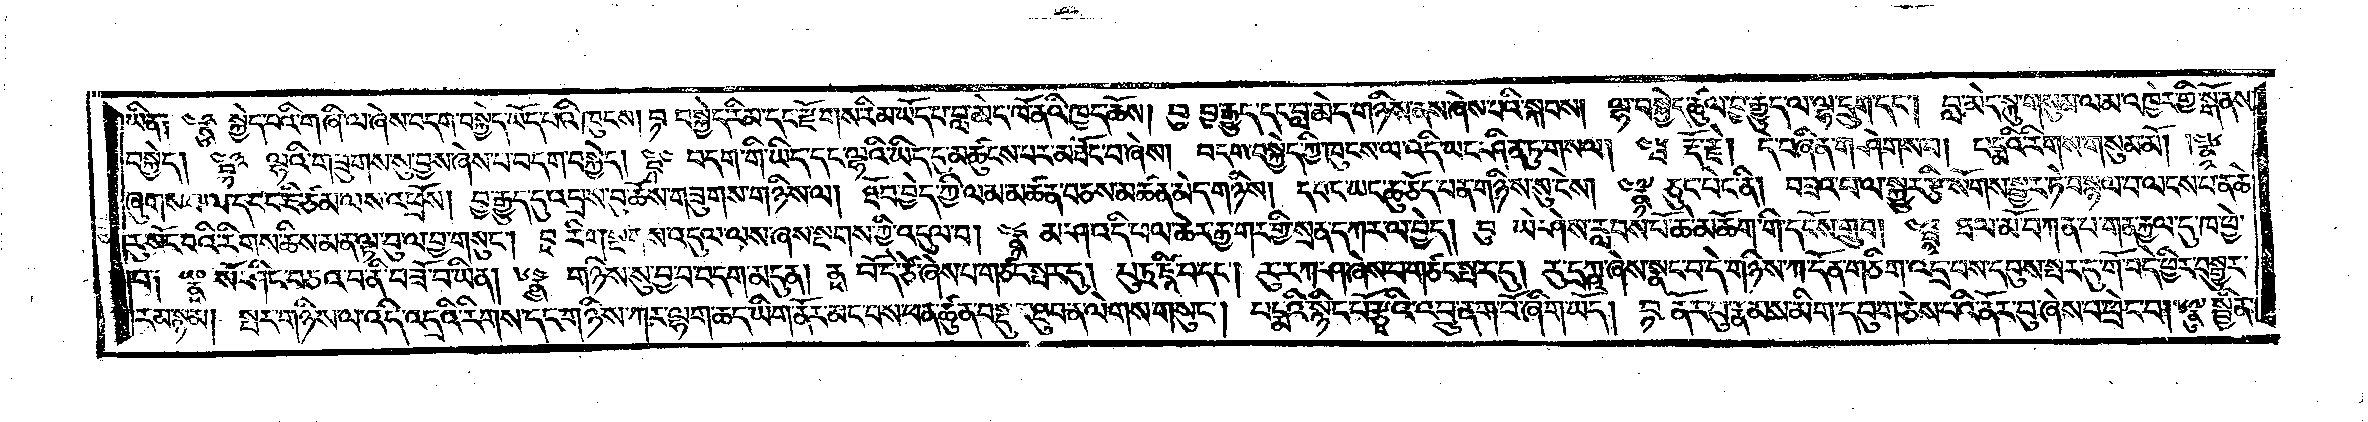ཡིན༑ ༤༢ན༦་སྐྱེད་པའི་གཞི་ལ་ཞེས་བདག་བསྐྱེད་ཡོད་པའི་ཁུངས། བ༡་བསྐྱེད་རིམ་དང་རྫོགས་རིམ་ཡོད་པ་བླ་མེད་ཁོ་ནའི་ཁྱད་ཆོས། བ༦་བྱ་རྒྱུད་དང་བླ་མེད་གཉིས་ནས་ཞེས་པའི་སྐབས། ལྷ་བསྐྱེད་ཚུལ་བྱ་རྒྱུད་ལ་ལྷ་དྲུག་དང་། བླ་མེད་སྐུ་གསུམ་ལམ་འཁྱེར་གྱི་སྒོ་ནས་
བསྐྱེད། ༤༣བ༡་ལྷའི་གཟུགས་སུ་བྱས་ཞེས་པ་བདག་བསྐྱེད། ༤༤བ༡་བདག་གི་ཡིད་དང་ལྷའི་ཡིད་དུ་མཚུངས་པར་མཐོང་བ་ཞེས། བདག་བསྐྱེད་ཀྱི་ཁུངས་ལ་འདི་ཡང་ཤིན་ཏུ་གསལ། ༤༦བ་རྡོ་རྗེ། དེ་བཞིན་གཤེགས་པ། པདམའི་རིགས་གསུམ་མོ། །༤༦ན༢
ཞུགས་བལ་དང་བ་ཇི་ཙམ་ལས་འཕྲོས། བྱ་རྒྱུད་དུ་འབྲས་བུ་ཆོས་གཟུགས་གཉིས་ལ། ཐོབ་བྱེད་ཀྱི་ལམ་མཚན་བཅས་མཚན་མེད་གཉིས། དབང་ཡང་ཆུ་ཅོད་པ་ན་གཉིས་སུ་ངེས། ༤༧ན༡་ཅུང་བེང་ནི། བཟའ་བ་ལ་སྐྱུར་རྩི་སོགས་སྦྱར་ཏེ་བསྙལ་བ་ལངས་པ་ན་ཆེ་
རུ་སོང་བའི་རིགས་ཆིས་མན་ལྟ་བུ་ལ་བྱ་གསུང་། བ༥་རིག་སྔགས་འདུལ་ལས་ཞས་སྔགས་ཀྱི་འདུལ་བ། ༤༨ན༡་མ་ཤ་འདི་ཕལ་ཆེར་རྒྱ་གར་གྱི་སྲན་དཀར་ལ་བྱེད། བ༦་ཡེ་ཤེས་རླབས་པོ་ཆེ་མཆོག་གི་དངོས་གྲུབ། ༤༩བ༣་ཐལ་མོ་བཀན་པ་གན་རྐྱལ་དུ་ཁ་ཕྱེ་
བ༑ ༥༠ན༥་སོ་ཤིང་བཅའ་བ་ནི་བཟོ་བ་ཡིན། ༦༤ན༤་གཉིས་སུ་བྱ་བ་བདག་མདུན། ན༥་བོད་ཙེ་ཞེས་པ་གཙང་སྤར་དུ། པུཏྲ་ཛཱི་བ་དང་། རུ་རཀ་ཤ་ཞེས་པ་གཙང་སྤར་དུ། རུ་དྲཀྵ་ཞེས་སྣང་བ་དེ་གཉིས་ཀ་དོན་གཅིག་འདྲ་བས་དབུས་སྤར་དུ་གོ་བདེ་ཕྱིར་བསྒྱུར་
རམ་སྙམ། སྤར་གཉིས་ལ་འདི་འདྲའི་རིགས་དང་གཉིས་ཀར་ལྷག་ཆད་ཡིག་ནོར་མང་བས་ཕན་ཚུན་བསྡུར་ཐུབ་ན་ལེགས་གསུང་། པདམའི་སྙིང་པོ་རྩྭའི་འབྲུ་ནག་པོ་ཞིག་ཡོད། བ༡་ནོར་བུ་རྣམས་མིག་དབུགས་ཅེས་པའི་ནོར་བུ་ཞེས་བ་ཕྲེང་བ། ༦༧ན༦་སྦྱིན་